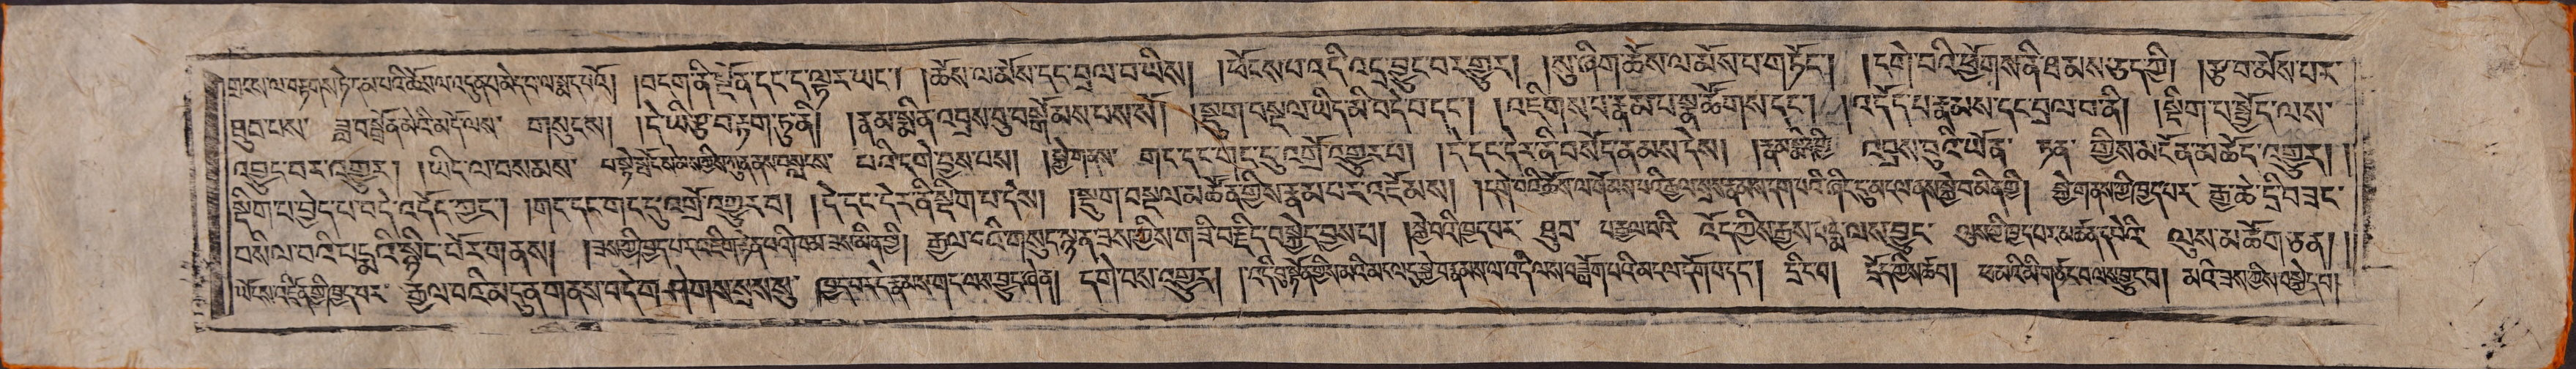གྲངས་ལ་བརྟགས་ཏེ་དམ་པའི་ཆོས་ལ་འདུན་པ་མེད་པ་ལ་སྨད་པའོ། །བདག་ནི་སྔོན་དང་ད་ལྟར་ཡང་། །ཆོས་ལ་མོས་དང་བྲལ་བ་ཡིས། །ཕོངས་པ་འདི་འདྲ་བྱུང་བར་གྱུར། །སུ་ཞིག་ཆོས་ལ་མོས་པ་གཏོང་། །དགེ་བའི་ཕྱོགས་ནི་ཐམས་ཅད་ཀྱི། །རྩ་བ་མོས་པར་
ཐུབ་པས་ཟླ་བ་སྒྲོན་མེའི་མདོ་ལས་གསུངས། །དེ་ཡི་ཙ་བ་རྟག་ཏུ་ནི། །རྣམ་སྨིན་འབྲས་བུ་བསྒོམས་པས་སོ། །སྡུག་བསྔལ་ཡིད་མི་བདེ་བ་དང་། །འཇིགས་པ་རྣམས་པ་སྣ་ཚོགས་དང་། །འདོད་པ་རྣམས་དང་བྲལ་བ་ནི། །སྡིག་པ་སྤྱོད་ལས་
འབྱུང་བར་འགྱུར། །ཡིད་ལ་བསམས་པ་སྟེ་སྤོང་སེམས་ཀྱིས་ཀུན་ན་བསླངས་པའི་དགེ་བྱས་པས། །སྐྱེ་གནས་གང་དང་གང་དུ་འགྲོ་འགྱུར་བ། །དེ་དང་དེར་ནི་བསོད་ནམས་དེས། །རྣམ་སྨིན་གྱི་འབྲས་བུའི་ཡོན་ཏན་གྱིས་མངོན་མཆོད་འགྱུར། །
སྡིག་པ་བྱེད་པ་བདེ་འདོད་ཀྱང་། །གང་དང་གང་དུ་འགྲོ་འགྱུར་བ། །དེ་དང་དེར་ནི་སྡིག་པ་དེས། །སྡུག་བསྔལ་མཚོན་གྱིས་རྣམ་པར་འཇོམས། །དགེ་བའི་ཆོས་ལ་གོམས་པའི་རྒྱལ་སྲས་རྣམས་དག་པའི་ཞིང་དུ་མངལ་ནས་སྐྱེ་བ་མིན་གྱི། སྐྱེ་གནས་ཀྱི་ཁྱད་པར་རྒྱ་ཆེ་དྲི་བཟང་
བསིལ་བའི་པདམའི་སྙིང་པོར་གནས། །ཟས་ཀྱི་ཁྱད་པར་འཇིག་རྟེན་པའི་ཁམ་ཟས་མིན་གྱི།  རྒྱལ་བའི་གསུང་སྙན་ཟས་ཀྱིས་གཟི་བརྗིད་བསྐྱེད་བྱས་པ། །སྐྱེ་བའི་ཁྱད་པར་ཐུབ་པ་རྒྱལ་བའི་འོད་ཀྱིས་རྒྱས་པདམ་ལས་བྱུང་ལུས་ཀྱི་ཁྱད་པར་མཚན་དཔེའི་ལུས་མཆོག་ཅན། །
ཐོང་འཛིན་གྱི་ཁྱད་པར་རྒྱལ་བའི་མདུན་གནས་བདེ་གཤེགས་སྲས་སུ་ཁྱད་པར་དེ་རྣམས་གང་ལས་བྱུང་ཞེན། དགེ་བས་འགྱུར། །འདི་བུ་སྟོན་གྱི་མའི་མངལ་དུ་སྐྱེ་བ་རྣམས་ལ་འདི་ལས་བཟློག་པའི་མངལ་དོག་པ་དང་། །དྲི་དབ། དྲོད་ཀྱིས་ཚ་བ། ཕ་མའི་མི་གཙང་བ་ལས་བྱུང་བ། མའི་ཟས་སྐྱི་བསྐྱེད་པ།